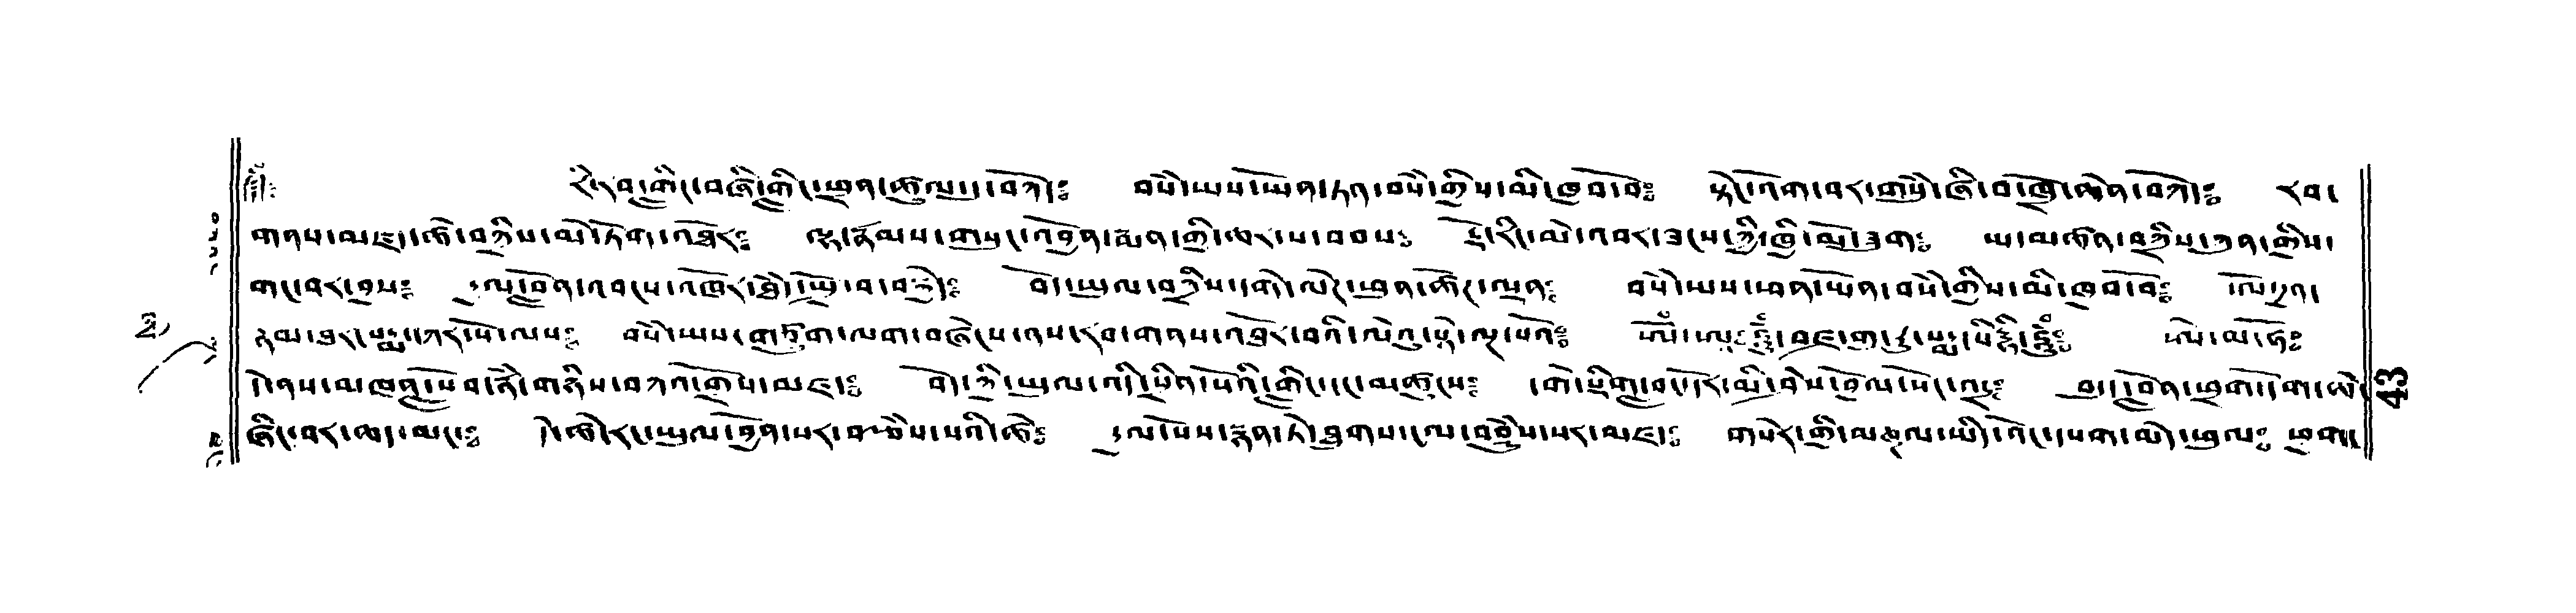རི་རབ་གླིང་བཞི་གླིང་ཕྲན་ཚུལ་དུ་བཀོད༔ བསམ་ཡས་ཡོན་ཏན་བསམ་གྱིས་མི་ཁྱབ་བོ༔ སྟེང་འོག་བར་གསུམ་ཞི་བ་ཁྲོ་ཆེན་བཀོད༔ རབ་
གནས་མཛད་ཚེ་བཀྲ་ཤིས་མེ་ཏོག་འཐོར༔ ལྷ་རྣམས་གསུང་འབྱོན་སྨན་གྱི་ཆར་པ་བབས༔ རྡོ་རིང་མེ་འབར་ཟངས་ཀྱི་ཁྱི་མོ་ཟུག༔ ཡ་མཚན་བཀྲ་ཤིས་ཀུན་གྱིས་
གང་བར་བྱས༔ རྒྱལ་བློན་འབངས་འཁོར་ཐམས་ཅད་སྤྲོ་བ་བསྐྱེད༔ བོད་ཡུལ་བཀྲ་ཤིས་དགེ་ལེགས་ཕུན་ཚོགས་ལྡན༔ བསམ་ཡས་ཕན་ཡོན་བསམ་གྱིས་མི་ཁྱབ་བོ༔ ཨོ་རྒྱན་
རྣམ་ཐར་པདྨ་དཀར་པོ་ལས༔ བསམ་ཡས་གཙུག་ལག་བཞེངས་ནས་རབ་གནས་འཐོར་བའི་ལེའུ་སྟེ་ལྔ་པའོ༔ ཨོཾ་ཨཱཿཧཱུྃ་བཛྲ་གུ་རུ་པདྨ་སིདྡྷི་ཧཱུྃ༔ ཨེ་མ་ཧོ༔ 
དེ་ནས་མཁན་སློབ་རྣམས་གཉིས་བཀའ་གྲོས་མཛད༔ བོད་ཀྱི་ཡུལ་འདི་སྲིན་པོའི་གླིང་དང་མཚུངས༔ དགེ་སྡིག་བླང་དོར་མི་ཤེས་བྱོལ་སོང་འདྲ༔བདུད་བློན་ཕྲག་དོག་ཆེ་
ཞིང་བར་ཆད་མང༔ དེ་ཚེ་རང་ཡུལ་བྱོན་པར་བརྩམས་པའི་ཚེ༔ རྒྱལ་པོས་གསན་ཏེ་ཐུགས་ངལ་བཤུམས་པར་མཛད༔ གསེར་གྱི་མཎྜལ་ཡིད་འོང་དཔག་མེད་ཕུལ༔ ཕྱག་